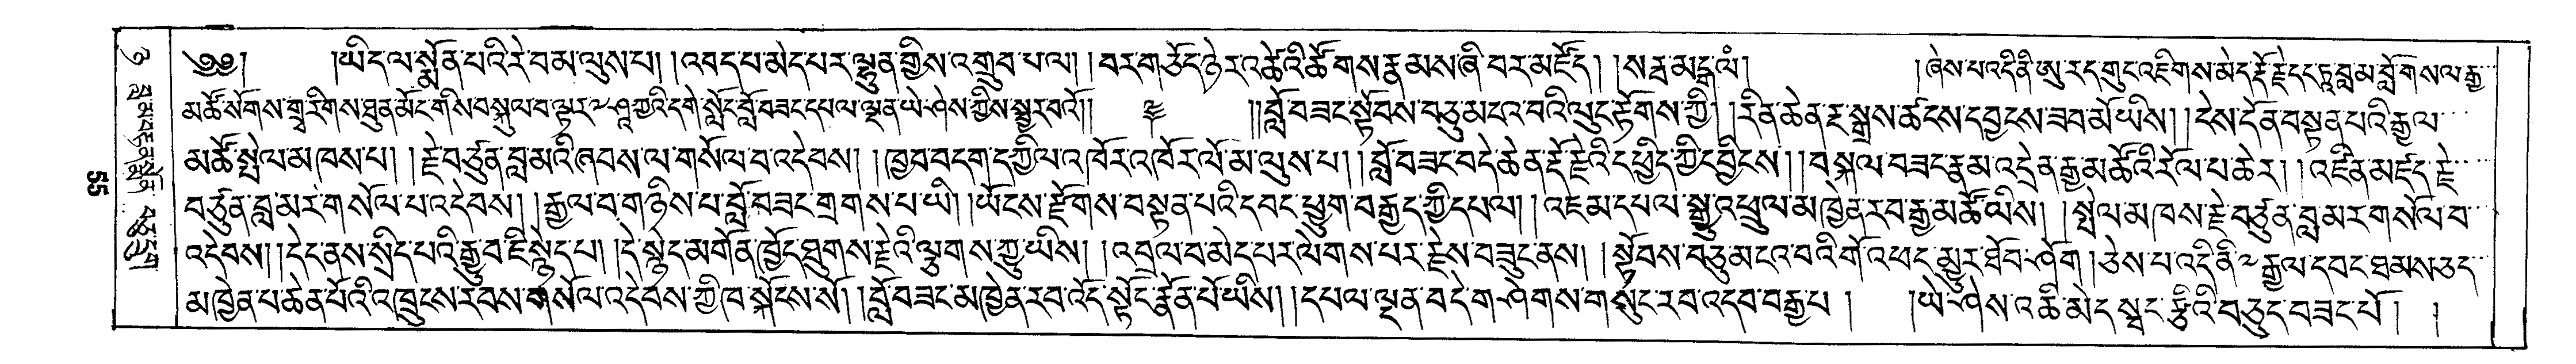༄༅། །ཡིད་ལ་སྨོན་པའི་རེ་བམ་ལུས་པ། །འབད་པ་མེད་པར་ལྷུན་གྱིས་འགྲུབ་པ་ལ། །བར་གཅོད་ཉེར་འཚེའི་ཚོགས་རྣམས་ཞི་བར་མཛོད། །སརྦ་མངྒ་ལཾ། །ཞེས་བ་འདི་ནི་ཨུ་རང་གུང་འཇིགས་མེད་རྡོ་རྗེ་དང་ཏཱ་བླ་མ་བློ་གསལ་རྒྱ་
མཚོ་སོགས་གྲྭ་རིགས་ཐུན་མོང་གིས་བསྐུལ་བལྟར ༧ཤཱཀྱའི་དགེ་སློང་བློ་བཟང་དཔལ་ལྡན་ཡེ་ཤེས་ཀྱིས་སྦྱར་བའོ།། ༈ །།བློ་བཟང་སྟོབས་བཅུ་མངའ་བའི་ལུང་རྟོགས་ཀྱི། །རིན་ཆེན་རྔ་སྒྲས་ཚངས་དབྱངས་ཟབ་མོ་ཡིས། །ངེས་དོན་བསྟན་པའི་རྒྱལ་
མཚོ་སྤེལ་མཁས་པ། །རྗེ་བཙུན་བླ་མའི་ཞབས་ལ་གསོལ་བ་འདེབས། །ཁྱབ་བདག་དཀྱིལ་འཁོར་འཁོར་ལོ་མ་ལུས་པ། །བློ་བཟང་བདེ་ཆེན་རྡོ་རྗེའི་དཔྱིད་ཀྱི་དབྱིངས། །བསྐལ་བཟང་རྣམ་འདྲེན་རྒྱ་མཚོའི་རོལ་པ་ཆེར། །འཛིན་མཛད་རྗེ་
བཙུན་བླ་མར་གསོལ་བ་འདེབས། །རྒྱལ་བ་གཉིས་པ་བློ་བཟང་གྲགས་པ་ཡི། །ཡོངས་རྫོགས་བསྟན་པའི་དབང་ཕྱུག་བརྒྱད་ཀྱི་དཔལ། །འཇམ་དཔལ་སྒྱུ་འཕྲུལ་མཁྱེན་རབ་རྒྱ་མཚོ་ཡིས། །སྤེལ་མཁས་རྗེ་བཙུན་བླ་མར་གསོལ་བ་
འདེབས། །དེང་ནས་སྲིད་པའི་རྒྱུ་བ་ཇི་སྙེད་པ། །དེ་སྙེད་མགོན་ཁྱོད་ཐུགས་རྗེའི་ལྕགས་ཀྱུ་ཡིས། །འབྲལ་བ་མེད་པར་ལེགས་པར་རྗེས་བཟུང་ནས། །སྟོབས་བཅུ་མངའ་བའི་གོ་འཕང་མྱུར་ཐོབ་ཤོག། ཅེས་པ་འདི་ནི ༧རྒྱལ་དབང་ཐམས་ཅད་
མཁྱེན་པ་ཆེན་པོའི་འཁྲུངས་རབས་གསོལ་འདེབས་ཀྱི་ཁ་སྐོངས་སོ། །བློ་བཟང་མཁྱེན་རབ་འོད་སྟོང་རྣོན་པོ་ཡིས། །དཔལ་ལྡན་བདེ་གཤེགས་གསུང་རབ་འདབ་བརྒྱ་པ། །ཡེ་ཤེས་འཆི་མེད་སྦྲང་རྩིའི་བཅུད་བཟང་པོ། །